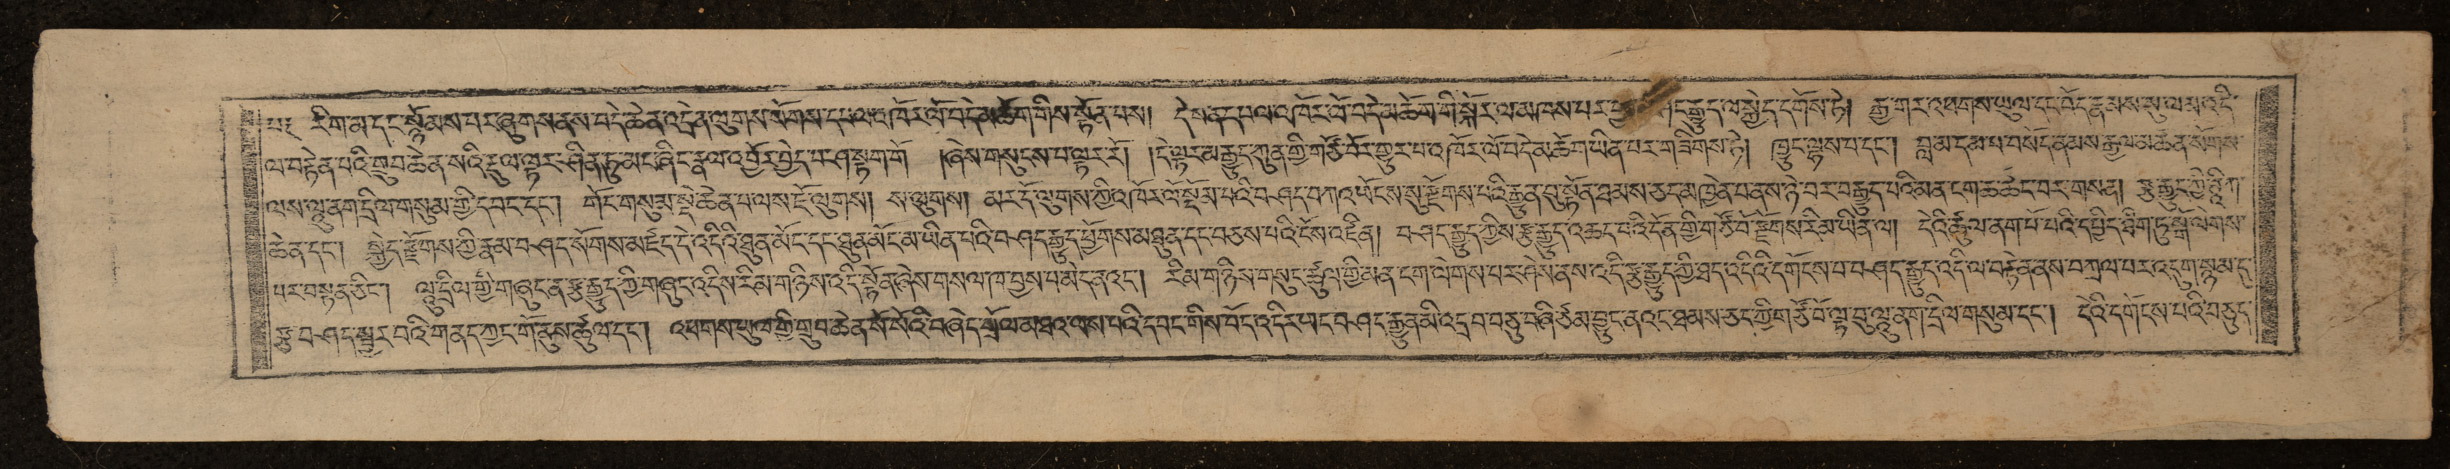པ། རིག་མ་དང་སྙོམས་པར་ཞུགས་ནས་བདེ་ཆེན་འདྲེན་ལུགས་སོགས་དཔལ་འཁོར་ལོ་བདེ་མཆོག་གིས་སྟོན་པས། དེས་ན་དཔལ་འཁོར་ལོ་བདེ་མཆོག་གི་སྐོར་ལ་མཁས་པར་བྱས་ཤིང་རྒྱུད་ལ་སྐྱེད་དགོས་ཏེ། རྒྱ་གར་འཕགས་ཡུལ་དང་བོད་རྣམས་སུ་ལམ་འདི་
ལ་བརྟེན་པའི་གྲུབ་ཆེན་སའི་རྡུལ་ལྟར་ཤིན་ཏུ་མང་ཞིང་རྣལ་འབྱོར་བྱེད་བ་ཤ་སྟག་གོ །ཞེས་གསུངས་པ་ལྟར་རོ། །དེ་ལྟར་མ་རྒྱུད་ཀུན་གྱི་གཙོ་བོར་གྱུར་པ་འཁོར་ལོ་བདེ་མཆོག་ཡིན་པར་གཟིགས་ཏེ། ཁྱུང་ལྷས་བ་དང་། བླ་མ་དམ་པ་བསོད་ནམས་རྒྱལ་མཚན་སོགས་
ལས་ལཱུ་ནག་དྲིལ་གསུམ་གྱི་དབང་དང་། གོང་གསུམ་སྡེ་ཆེན་པ་ལས་ཇོ་ལུགས། ས་ལུགས། མར་དོ་ལུགས་ཀྱི་འཁོར་ལོ་སྡོམ་པའི་བཤད་བཀའ་ཡོངས་སུ་རྫོགས་པའི་རྒྱུན་བུ་སྟོན་ཐམས་ཅད་མཁྱེན་པ་ནས་ཉེ་བར་བརྒྱུད་པའི་མན་ངག་ཆ་ཚང་བར་གསན། རྩ་རྒྱུད་ཀྱི་ཊཱིཀ་
ཆེན་དང་། བསྐྱེད་རྫོགས་ཀྱི་རྣམ་བཤད་སོགས་མཛད་དེ་འདིའི་ཐུན་མོང་དང་ཐུན་མོང་མ་ཡིན་པའི་བཤད་རྒྱུད་ཕྱོགས་མཐུན་དང་བཅས་བའི་ངོས་འཛིན། བཤད་རྒྱུད་ཀྱིས་རྩ་རྒྱུད་འཆད་པའི་དོན་གྱི་གཙོ་བོ་རྫོགས་རིམ་ཡིན་ལ། དེའི་ཚུལ་ནག་པོ་པའི་དཔྱིད་ཐིག་ཏུ་སྒོ་ལེགས་
པར་བསྟན་ཅིང་། ལཱུ་དྲིལ་གྱི་གཞུང་ན་རྩ་རྒྱུད་ཀྱི་གཞུང་འདིས་རིམ་གཉིས་འདི་སྟོན་ཞེས་གསལ་ཁ་བྱས་བ་མེད་ནའང་། རིམ་གཉིས་གསུང་ཚུལ་གྱི་མན་ངག་ལེགས་པར་ཤེས་ནས་འདི་རྩ་རྒྱུད་ཀྱི་ཐད་འདིའི་དགོངས་པ་བཤད་རྒྱུད་འདི་ལ་བརྟེན་ནས་བཀྲལ་བར་འདུག་སྙམ་དུ་
རྩ་བཤད་སྦྱར་བའི་གནད་ཀྱང་གོ་ནུས་ཚུལ་དང་། འཕགས་ཡུལ་གྱི་གྲུབ་ཆེན་སོ་སོའི་བཞེད་སྲོལ་མཐའ་ཡས་པའི་དབང་གིས་བོད་འདིར་ཡང་བཤད་རྒྱུན་མི་འདྲ་བ་བཅུ་བཞི་ཙམ་བྱུང་ནའང་ཐམས་ཅད་ཀྱི་གཙོ་བོ་ལྟ་བུ་ལཱུ་ནག་དྲིལ་གསུམ་དང་། དེའི་དགོངས་པའི་བཅུད་